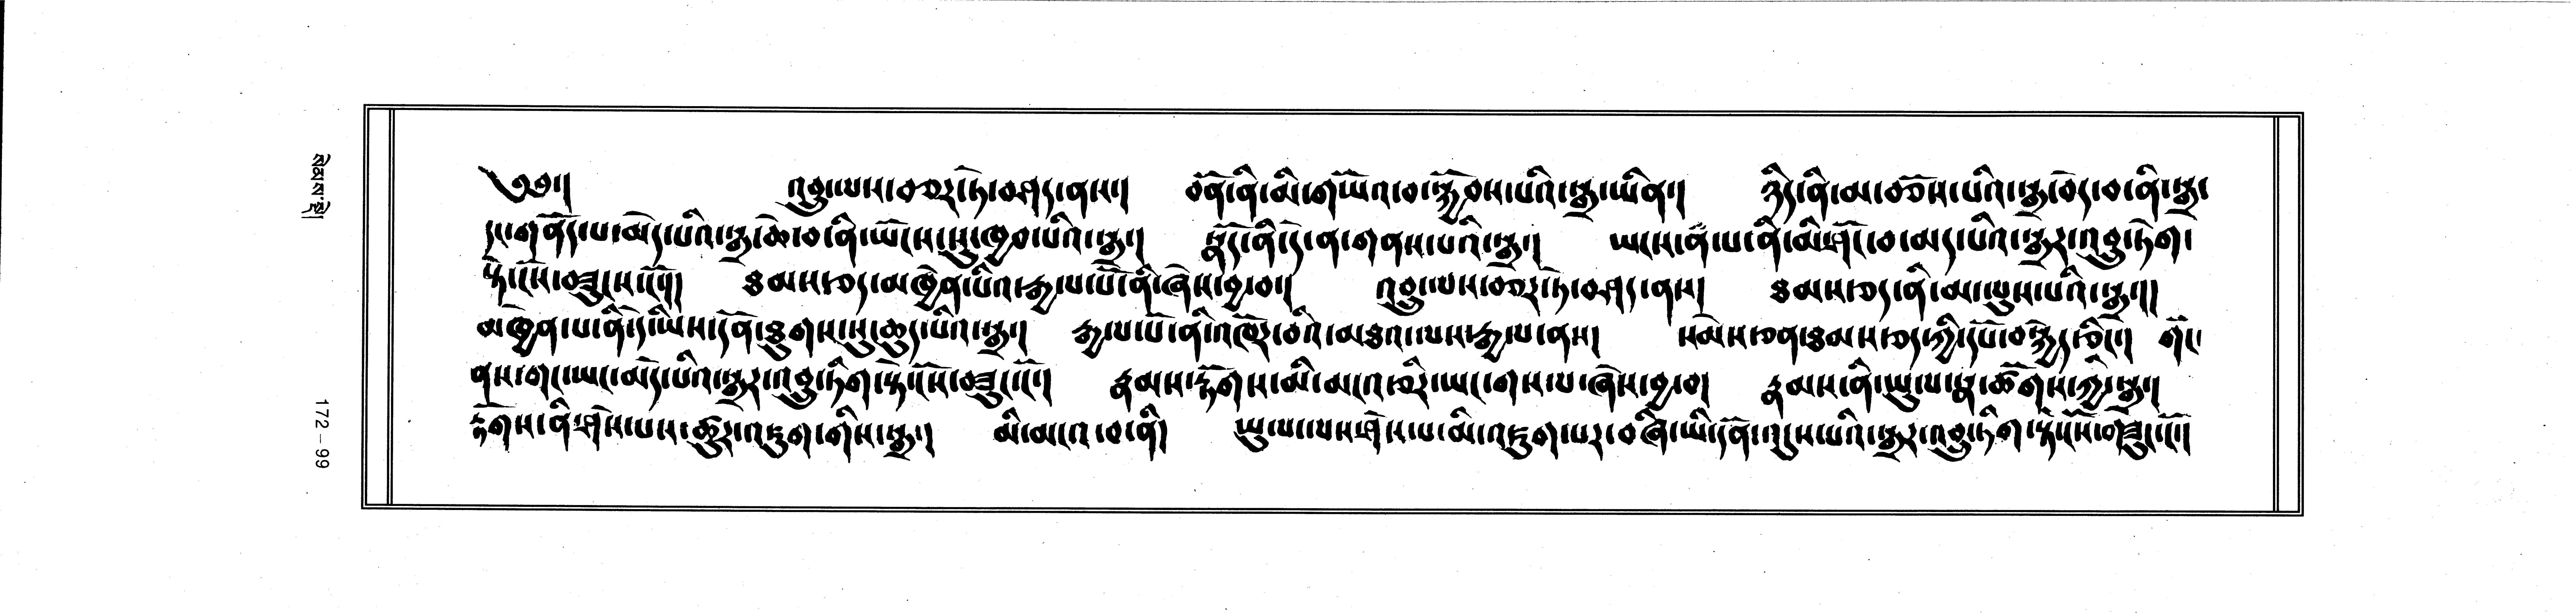འབྲུ་ལས་བཅར་ཏེ་བཤད་ནས། བོན་ནི་མི་གཡོའ་བ་སྐྱོབས་པའི་སྒྲ་ཡིན། ཉིད་ནི་མ་བཅོས་པའི་སྒྲ་བདེ་བ་ནི་སྒྲ་
དང་གནོད་པ་མེད་པའི་སྒྲ་ཆེ་བ་ནི་ཡོངས་སུ་ཁྱབ་པའི་སྒྲ། སྣོད་ནི་དེ་ན་གནས་པའི་སྒྲ། ཡངས་པ་ནི་མི་ཤོང་བ་མེད་པའི་སྒྲར་འབྲུ་ཏེག་
སྟེ་ངོས་བཟུངས་ངོ་། ཐམས་ཅད་མཁྱེན་པའི་རྒྱལ་པོ་ནི་ཞེས་བྱ་བ། འབྲུ་ལས་བཅར་ཏེ་བཤད་ནས། ཐམས་ཅད་ནི་མ་ལུས་པའི་སྒྲ། 
མཁྱེན་པ་ནི་དེ་ཡིས་དོན་ཐུགས་སུ་ཆུད་པའི་སྒྲ། རྒྱལ་པོ་ནི་འཁོར་བའི་མཐའ་ལས་རྒྱལ་ནས། སེམས་ཅན་ཐམས་ཅད་ཀྱི་དཔོ་བསྐྱེད་ཅིང་། གོང་
ནས་གང་ཡང་མེད་པའི་སྒྲར་འབྲུ་ཏིག་སྟེ་ངོས་བཟུང་ངོ་། རྣམས་རྟོགས་མི་མངའ་ཅིར་ཡང་གསལ་ཞེས་བྱ་བ། རྣམས་ནི་ཡུལ་སྣ་ཚོགས་ཀྱི་སྒྲ། 
རྟོགས་ནི་ཤེས་པས་ཚུར་འཇུག་གིས་སྒྲ། མི་མངའ་བ་ནི། ཡུལ་ལས་ཤེས་པ་མི་འཇུག་པར་བཞི་ཡི་དོན་འདུས་པའི་སྒྲར་འབྲུ་ཏིག་སྟེ་ངོས་གཟུང་ངོ་།